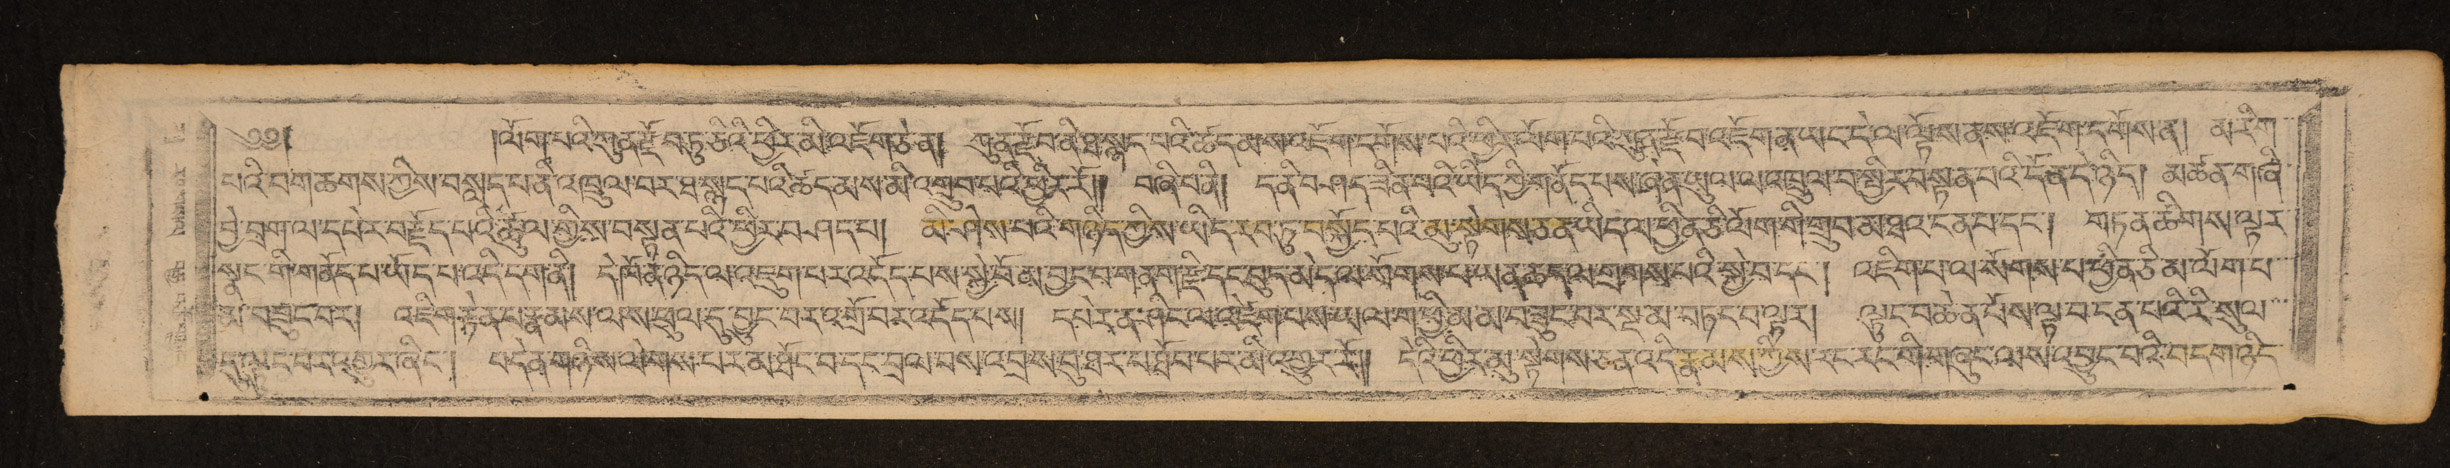༄༅། །ལོག་པའི་ཀུན་རྫོབ་ཏུ་ཅིའི་ཕྱིར་མི་འཇོག་ཅེ་ན། ཀུན་རྫོབ་ནི་ཐ་སྙད་པའི་ཚད་མས་འཇོག་དགོས་པའི་ཕྱིར་ལོག་པའི་ཀུན་རྫོབ་འཇོག་ན་ཡང་དེ་ལ་ལྟོས་ནས་འཇོག་དགོས་ན། མ་རིག་
པའི་བག་ཆགས་ཀྱིས་བསླད་པ་ནི་འཁྲུལ་བར་ཐ་སྙད་པའི་ཚད་མས་མི་འགྲུབ་པའི་ཕྱིར་རོ།། བཞི་པ་ནི། ད་ནི་བཤད་ཟིན་པའི་ཡིད་ཀྱི་གནོད་པས་ཞེན་ཡུལ་ལ་འཁྲུལ་བ་སྤྱིར་བསྟན་པའི་དོན་དེ་ཉིད། མཚན་གཞི་
བྱེ་བྲག་ལ་དཔེར་བརྗོད་པའི་ཚུལ་གྱིས་བསྟན་པའི་ཕྱིར་བཤད་པ། མི་ཤེས་པའི་གཉིད་ཀྱིས་ཡིད་རབ་ཏུ་བསྐྱོད་པའི་མུ་སྟེགས་ཅན་ཡིད་ལ་ཕྱིན་ཅི་ལོག་གི་གྲུབ་མཐའ་ངན་པ་དང་། གཏན་ཚིགས་ལྟར་
སྣང་གི་གནོད་པ་ཡོད་པ་འདི་དག་ནི། དེ་ཁོ་ན་ཉིད་ལ་འཇུག་པར་འདོད་པས་སྐྱེ་བོ་མ་བྱང་བ་གནག་རྫི་དང་བུད་མེད་ལ་སོགས་པ་ཡན་ཆད་ལ་གྲགས་པའི་སྐྱེ་བ་དང་། འཇིག་པ་ལ་སོགས་པ་ཕྱིན་ཅི་མ་ལོག་པ་
མ་བཟུང་བར། འཇིག་རྟེན་པ་རྣམས་ལས་ཕུལ་དུ་བྱུང་བར་འགྲོ་བར་འདོད་པས། དཔེར་ན་ཤིང་ལ་འཛེག་པས་ཡལ་ག་ཕྱི་མ་མ་བཟུང་བར་སྔ་མ་བཏང་བར་ལྟར། ལྟུང་བ་ཆེན་པོས་ལྟ་བ་ངན་པའི་རི་སུལ་
དུ་ལྟུང་བར་འགྱུར་ཞིང་། བདེན་གཉིས་ལེགས་པར་མཐོང་བ་དང་བྲལ་བས་འབྲས་བུ་ཐར་པ་ཐོབ་པར་མི་འགྱུར་རོ།། དེའི་ཕྱིར་མུ་སྟེགས་ཅན་འདི་རྣམས་ཀྱིས་རང་རང་གི་གཞུང་ལས་འབྱུང་བའི་བདག་ཉིད་